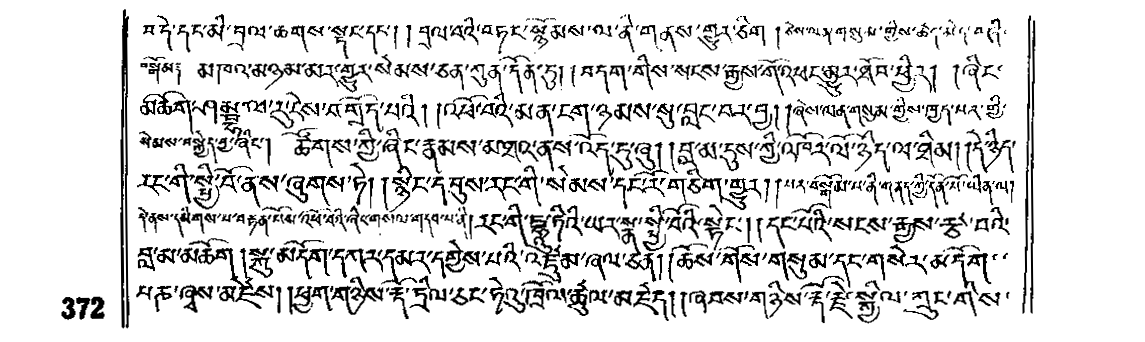བདེ་དང་མི་བྲལ་ཆགས་སྡང་དང་། །བྲལ་བའི་བཏང་སྙོམས་ལ་ནི་གནས་གྱུར་ཅིག །ཅེས་ལན་གསུམ་གྱིས་ཚད་མེད་བཞི་
བསྒོམ༑ མཁའ་མཉམ་མར་གྱུར་སེམས་ཅན་ཀུན་དོན་ཏུ། །བདག་གིས་སངས་རྒྱས་གོ་འཕང་མྱུར་ཐོབ་ཕྱིར། །ཞིང་
མཆོག་ཤམྦྷ་ལ་རུ་ངེས་བགྲོད་པའི། །འཕོ་བའི་མན་ངག་ཉམས་སུ་བླང་བར་བྱ། །ཞེས་ལན་གསུམ་གྱིས་ཁྱད་པར་གྱི་
སེམས་བསྐྱེད་བྱ་ཞིང་། ཚོགས་ཀྱི་ཞིང་རྣམས་མཐའ་ནས་འོད་དུ་ཞུ། །བླ་མ་དུས་ཀྱི་འཁོར་ལོ་ཉིད་ལ་ཐིམ། །དེ་ཉིད་
རང་གི་སྤྱི་བོ་ནས་ཞུགས་ཏེ། །སྙིང་དབུས་རང་གི་སེམས་དང་རོ་གཅིག་གྱུར། །པར་བསྒོམ་པ་ནི་གནད་ཀྱི་དོན་པོ་ཡིན་ལ།
དེ་ནས་དམིགས་པ་བརྟན་པོས་འཕོ་བའི་ཞིང་གསལ་གདབ་པ་ནི། རང་གི་དྷཱུ་ཏིའི་ཡར་སྣ་སྤྱི་བོའི་སྟེང་། །དང་པོའི་སངས་རྒྱས་རྩ་བའི་
བླ་མ་མཆོག །སྐུ་མདོག་དཀར་དམར་དགྱེས་པའི་འཛུམ་ཞལ་ཅན། །ཆོས་གོས་གསུམ་དང་གསེར་མདོག་
པཎ་ཞྭས་མཛེས། །ཕྱག་གཉིས་རྡོ་དྲིལ་ཅང་ཏེའུ་ཁྲོལ་ཚུལ་མཛད། །ཞབས་གཉིས་རྡོ་རྗེ་སྐྱིལ་ཀྲུང་གིས་